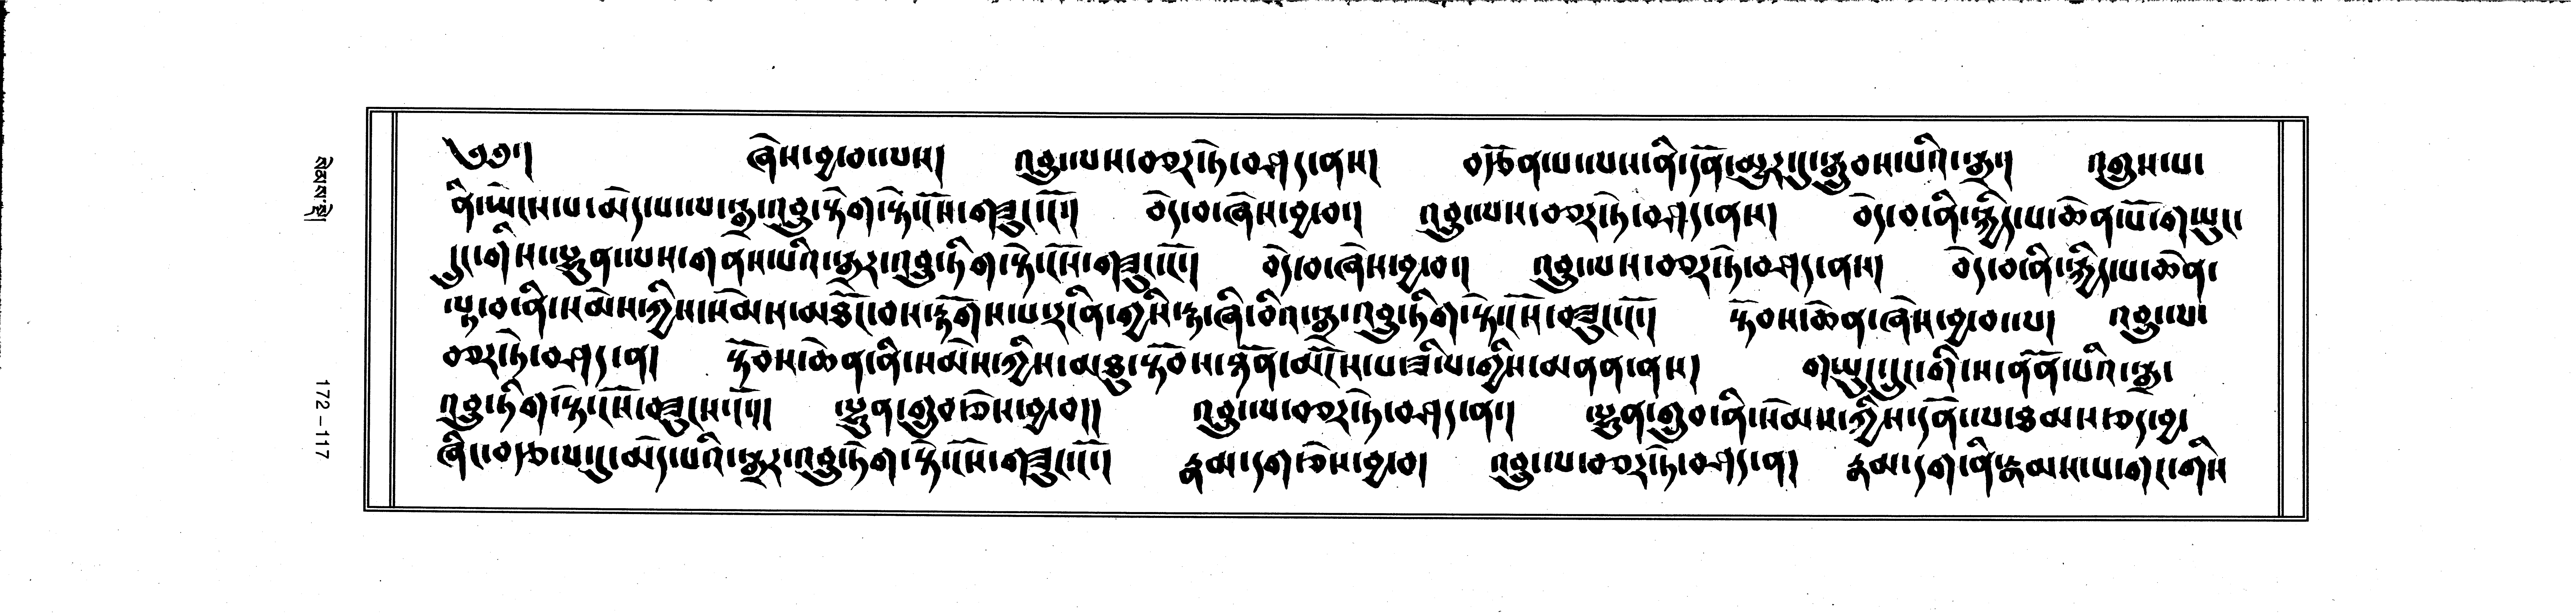ཞེས་བྱ་བ་ལས། འབྲུ་ལས་བཅར་ཏེ་བཤད་ནས། བརྩོན་པ་ལས་ནི་དོན་མྱུར་དུ་སྒྲུབས་པའི་སྒྲ། འགྲུས་པ་
ནི་ཡེངས་པ་མེད་པ་ལ་སྒྲ་འབྲུ་ཏིག་སྟེ་ངོས་གཟུངས་ངོ་། བདེ་བ་ཞེས་བྱ་བ། འབྲུ་ལས་བཅར་ཏེ་བཤད་ནས། བདེ་བ་ནི་སྐྱིད་པ་ཆེན་པོ་གཡུང་
དྲུང་གིས་ལྷུན་ལས་གནས་པའི་སྒྲར་འབྲུ་ཏིག་སྟེ་ངོས་གཟུངས་ངོ་། བདེ་བ་ཞེས་བྱ་བ། འབྲུ་ལས་བཅར་ཏེ་བཤད་ནས། བདེ་བ་ནི་སྐྱིད་པ་ཆེན་
ལྟ་བ་ནི་སེམས་ཀྱིས་སེམས་མཐོང་བས་རྟོགས་པ་རང་བཞིན་གྱིས་རྟ་ཞི་བའི་སྒྲ་འབྲུ་ཏིག་སྟེ་ངོས་གཟུངས་ངོ་། སྟོབས་ཆེན་ཞེས་བྱ་བ་ལ། འབྲུ་ལ་
བཅར་ཏེ་བཤད་ན། སྟོབས་ཆེན་ནི་སེམས་ཀྱིས་མཐུ་སྟོབས་ཉོན་མོངས་པ་ཟིལ་གྱིས་མནན་ནས། གཡུང་དྲུང་གི་ས་ནོན་པའི་སྒྲ་
འབྲུ་ཏིག་སྟེ་ངོས་གཟུང་ངོ་། ལྷུན་གྲུབ་ཅེས་བྱ་བ། འབྲུ་ལ་བཅར་ཏེ་བཤད་ན། ལྷུན་གྲུབ་ནི་སེམས་ཀྱིས་དོན་ལ་ཐམས་ཅད་བྱ་
ཞིང་བརྩལ་དུ་མེད་པའི་སྒྲར་འབྲུ་ཏིག་སྟེ་ངོས་གཟུངས་ངོ་། རྣམ་དག་ཅེས་བྱ་བ། འབྲུ་ལ་བཅར་བཤད་ན། རྣམ་དག་ནི་རྣམས་པ་གང་གིས་